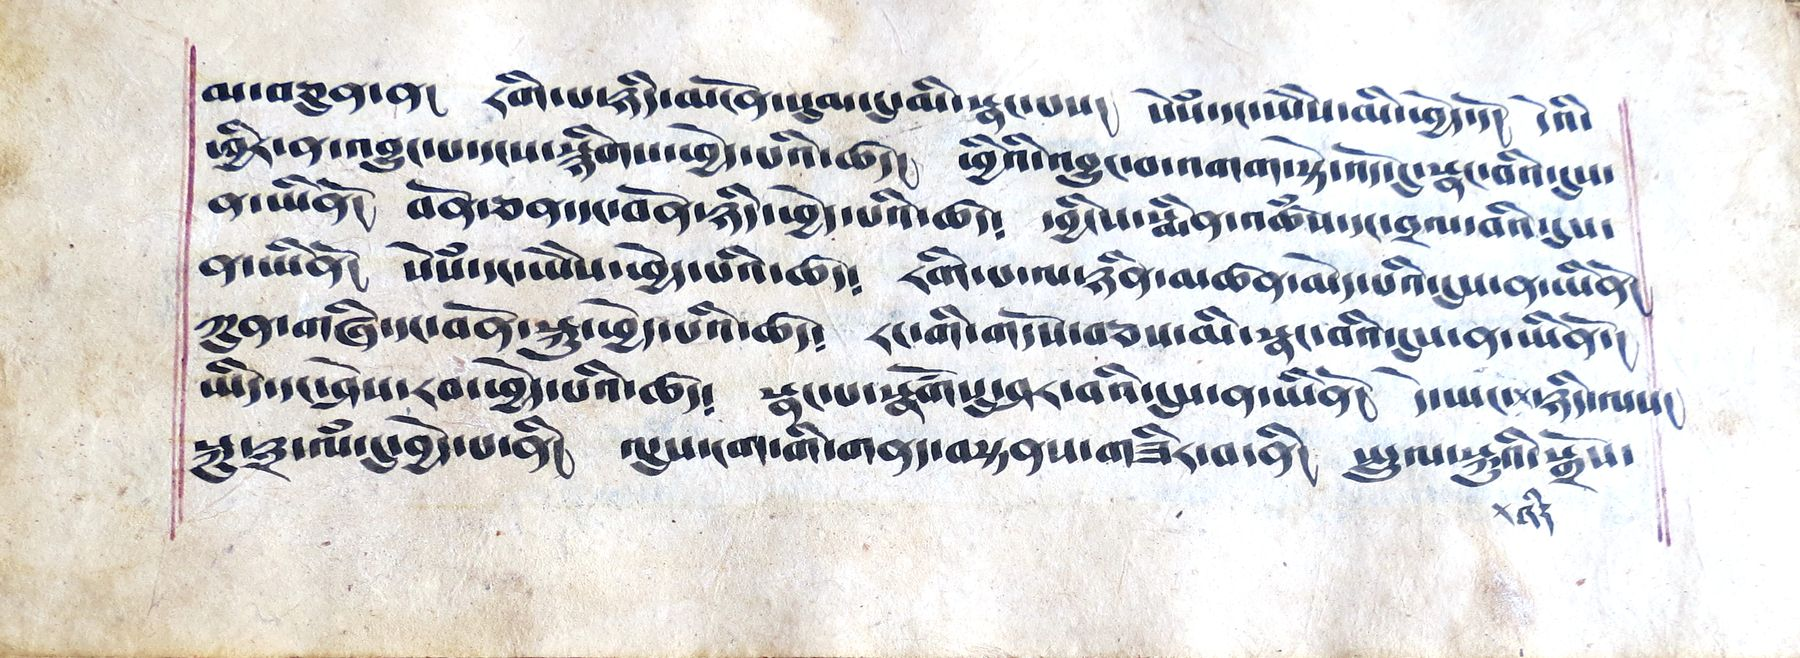མ་བཅུན་ན། རིག་པ་ཉིད་མངོན་སུམ་དུ་མི་སྣང་པས། སེམས་དང་ཡེ་ཤེས་མི་ཕྱེད་དོ། །དེའི་
ཕྱིར་ན་འབྱུང་བ་དྭངས་སྙིགས་ཕྱེད་པའི་ཚད། ཕྱིའི་འབྱུང་བ་འགགས་ཏེ། འོད་དུ་སྣང་བའི་དུས་
ན་ཡིན་ནོ། །བོན་ཅན་དང་བོན་ཉིད་ཕྱེད་པའི་ཚད། དབྱིངས་སྨིན་མཚམས་དང་བྲལ་བའི་དུས་
ན་ཡིན་ནོ། །སེམས་དང་ཡེ་ཤེས་ཕྱེད་པའི་ཚད། རིག་པ་ལ་ཉིན་མཚན་མེད་པའི་དུས་ན་ཡིན་ནོ། །
ཀུན་གཞི་དང་བོན་སྐུ་ཕྱེད་པའི་ཚད། རང་གི་གདོས་བཅས་མི་སྣང་བའི་དུས་ན་ཡིན་ནོ། །
ཡིད་དང་ཤེས་རབ་ཕྱེད་པའི་ཚད། སྣང་བ་སྣ་ཚོགས་སུ་ཤར་བའི་དུས་ན་ཡིན་ནོ། །དེ་ཡང་འདི་ཉིད་ལས་
སྐུ་གསུམ་ལམ་དུ་བྱེད་པ་ནི། ལུས་ངག་གི་གནད་བསྟན་ནས་གཟིར་བ་ནི། སྤྲུལ་སྐུའི་སྒྲོ་